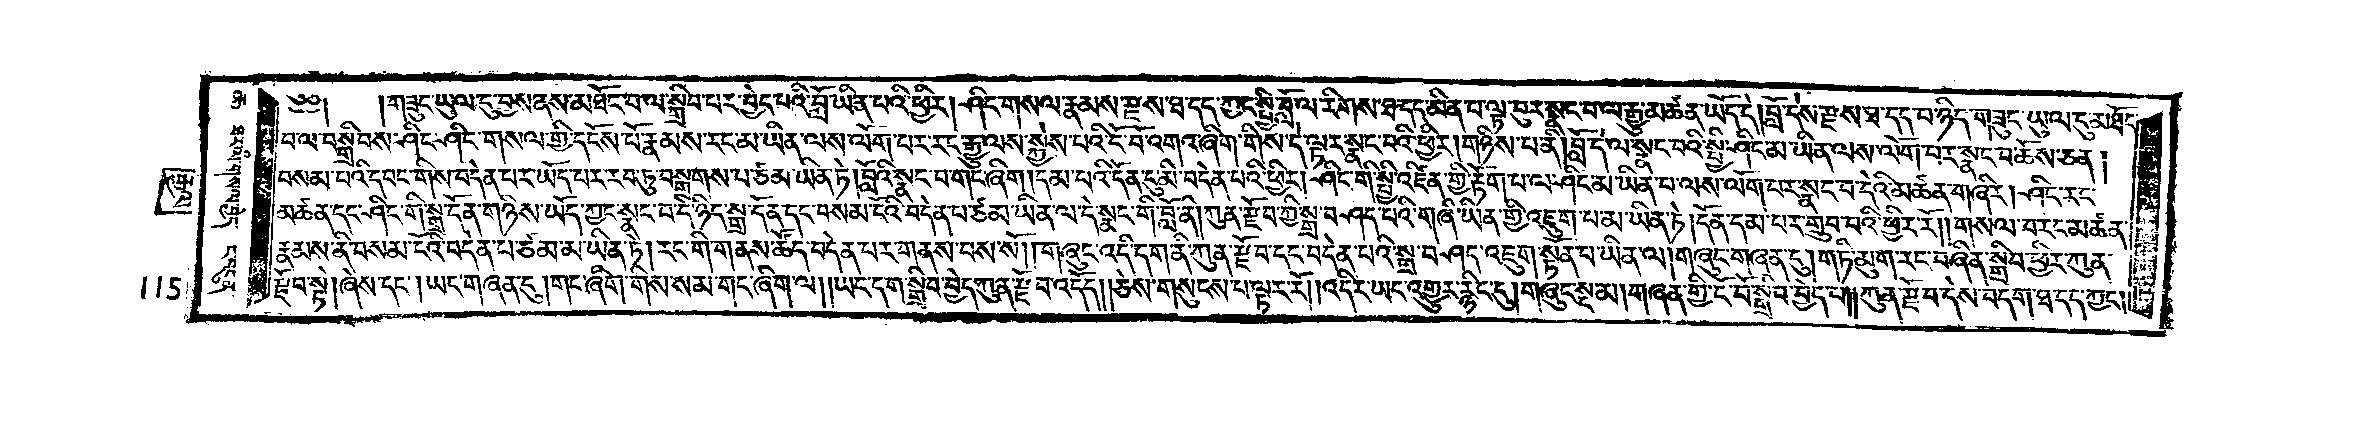༄༅། །གཟུང་ཡུལ་དུ་བྱས་ནས་མཐོང་བ་ལ་སྒྲིབ་པར་བྱེད་པའི་བློ་ཡིན་པའི་ཕྱིར། ཤིང་གསལ་རྣམས་རྫས་ཐ་དད་ཀྱང་སྤྱི་བློ་ལ་རིགས་ཐ་དད་མིན་པ་ལྟ་བུར་སྣང་བ་ལ་རྒྱུ་མཚན་ཡོད་དེ། བློ་དེས་རྫས་ཐ་དད་པ་ཉིད་གཟུང་ཡུལ་དུ་མཐོང་
བ་ལ་བསྒྲིབས་ཤིང་ཤིང་གསལ་གྱི་དངོས་པོ་རྣམས་རང་མ་ཡིན་ལས་ལོག་པར་རང་རྒྱུ་ལས་སྐྱེས་པའི་ངོ་བོ་འགའ་ཞིག་གིས་དེ་ལྟར་སྣང་བའི་ཕྱིར། གཉིས་པ་ནི། བློ་དེ་ལ་སྣང་བའི་སྤྱི་ཤིང་མ་ཡིན་ལས་ལོག་པར་སྣང་བ་ཆོས་ཅན།
བསམ་པའི་དབང་གིས་བདེན་པར་ཡོད་པར་རབ་ཏུ་བསྒྲགས་པ་ཙམ་ཡིན་ཏེ། བློའི་སྣང་བ་གང་ཞིག །དམ་པའི་དོན་དུ་མི་བདེན་པའི་ཕྱིར། ཤིང་གི་སྤྱི་འཛིན་གྱི་རྟོག་པ་ལ་ཤིང་མ་ཡིན་པ་ལས་ལོག་པར་སྣང་བ་དེའི་མཚན་གཞིར། ཤིང་རང་
མཚན་དང་ཤིང་གི་སྒྲ་དོན་གཉིས་ཡོད་ཀྱང་སྣང་བ་དེ་ཉིད་སྒྲ་དོན་དང་བསམ་ངོའི་བདེན་པ་ཙམ་ཡིན་ལ་དེ་སྣང་གི་བློ་ནི། ཀུན་རྫོབ་ཀྱི་སྒྲ་བཤད་པའི་གཞི་ཡིན་གྱི་འཇུག་པ་མ་ཡིན་ཏེ། དོན་དམ་པར་གྲུབ་པའི་ཕྱིར་རོ། །གསལ་བ་རང་མཚན་
རྣམས་ནི་བསམ་ངོའི་བདེན་པ་ཙམ་མ་ཡིན་ཏེ། རང་གི་གནས་ཚོད་བདེན་པར་གནས་པས་སོ། །གཞུང་འདི་དག་ནི་ཀུན་རྫོབ་དང་བདེན་པའི་སྒྲ་བཤད་འཇུག་སྟོན་པ་ཡིན་ལ། གཞུང་གཞན་དུ། གཏི་མུག་རང་བཞིན་སྒྲིབ་ཕྱིར་ཀུན་
རྫོབ་སྟེ། ཞེས་དང་། ཡང་གཞན་དུ། གང་ཞིག་གིས་སམ་གང་ཞིག་ལ། །ཡང་དག་སྒྲིབ་བྱེད་ཀུན་རྫོབ་འདོད། །ཅེས་གསུངས་པ་ལྟར་རོ། །འདིར་ཡང་འགྱུར་རྙིང་དུ། གཞུང་སྔ་མ། གཞན་གྱི་ངོ་བོ་སྒྲིབ་བྱེད་པ། །ཀུན་རྫོབ་དེས་བདག་ཐ་དད་ཀྱང་།